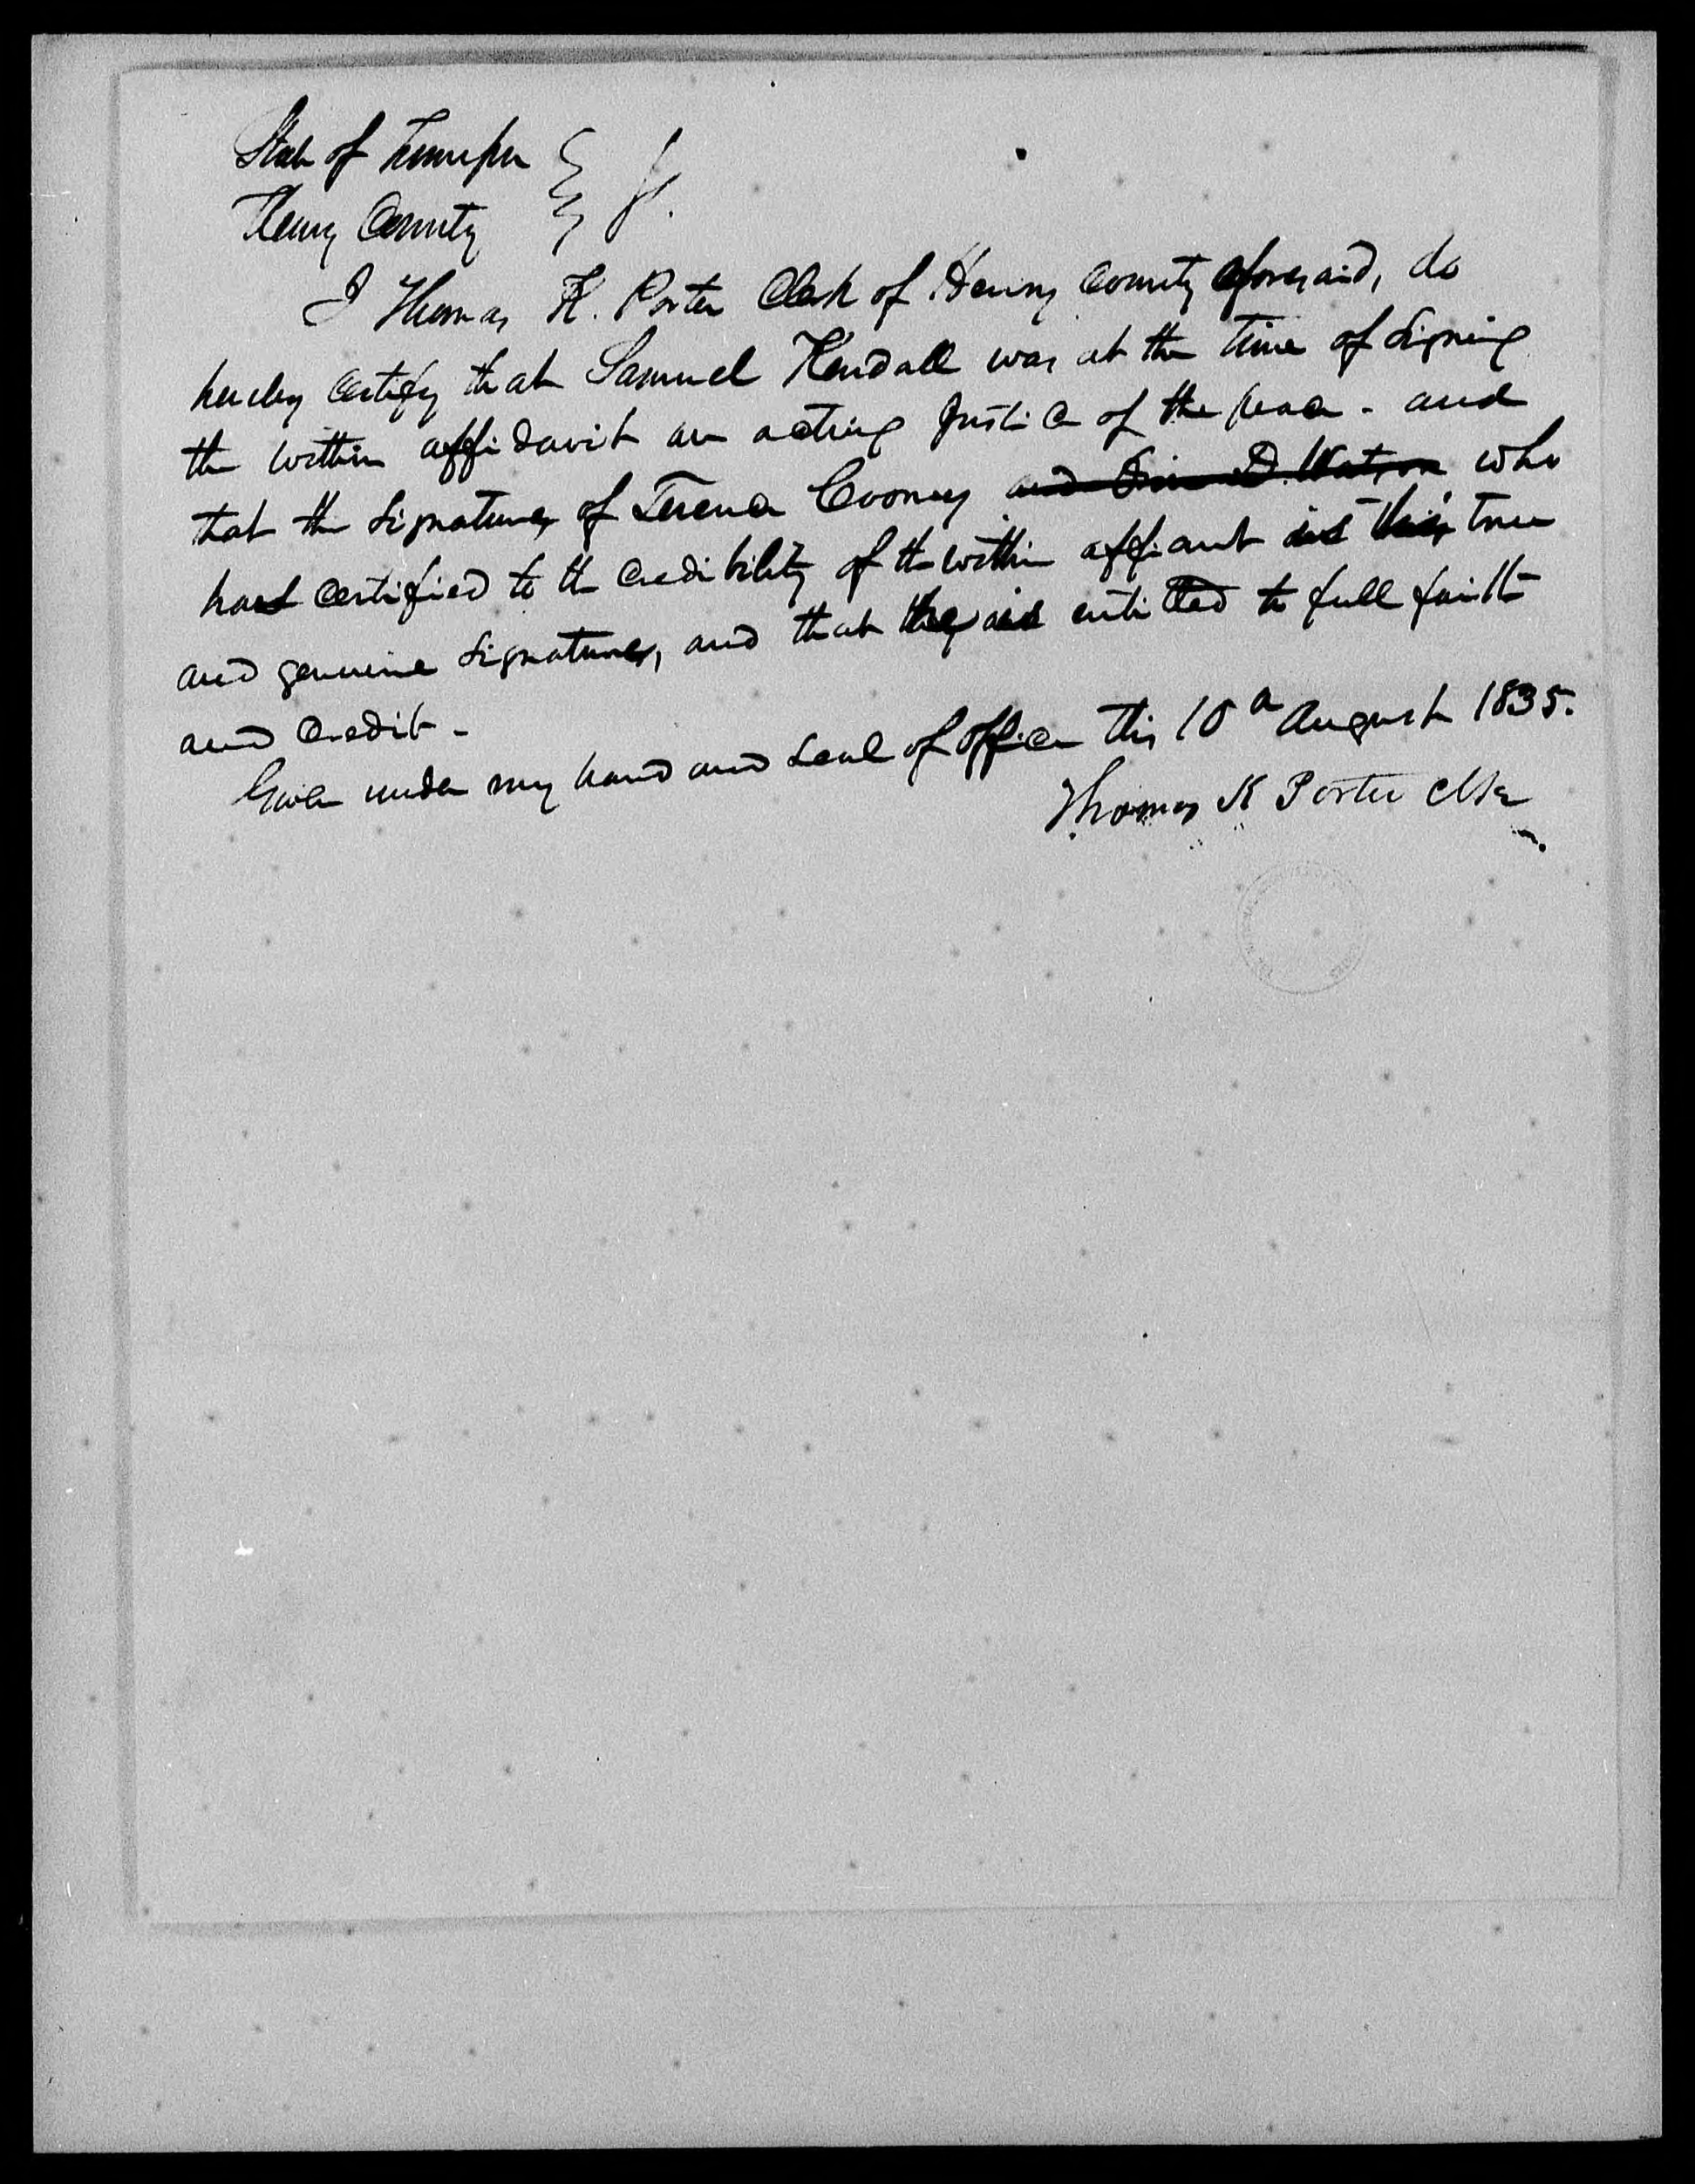State of Tennessee
Henry County
I Thomas K. Porter Clerk of Henry County aforesaid, do hereby certify that Samuel Randall was at the time of signing the within affidavit an acting Justice of the peace and that the signature of Terence Cooney who has certified to the credibility of the within affiant is his true and genuine signature, and that they are entitled to full faith and credit.
Given under my hand and seal of office this 10th August 1835.
Thomas K Porter Clk

[stamp] THE NATIONAL ARCHIVES OF THE UNITED STATES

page: 30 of 33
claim: rejected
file: R 10439, for William Taylor, North Carolina